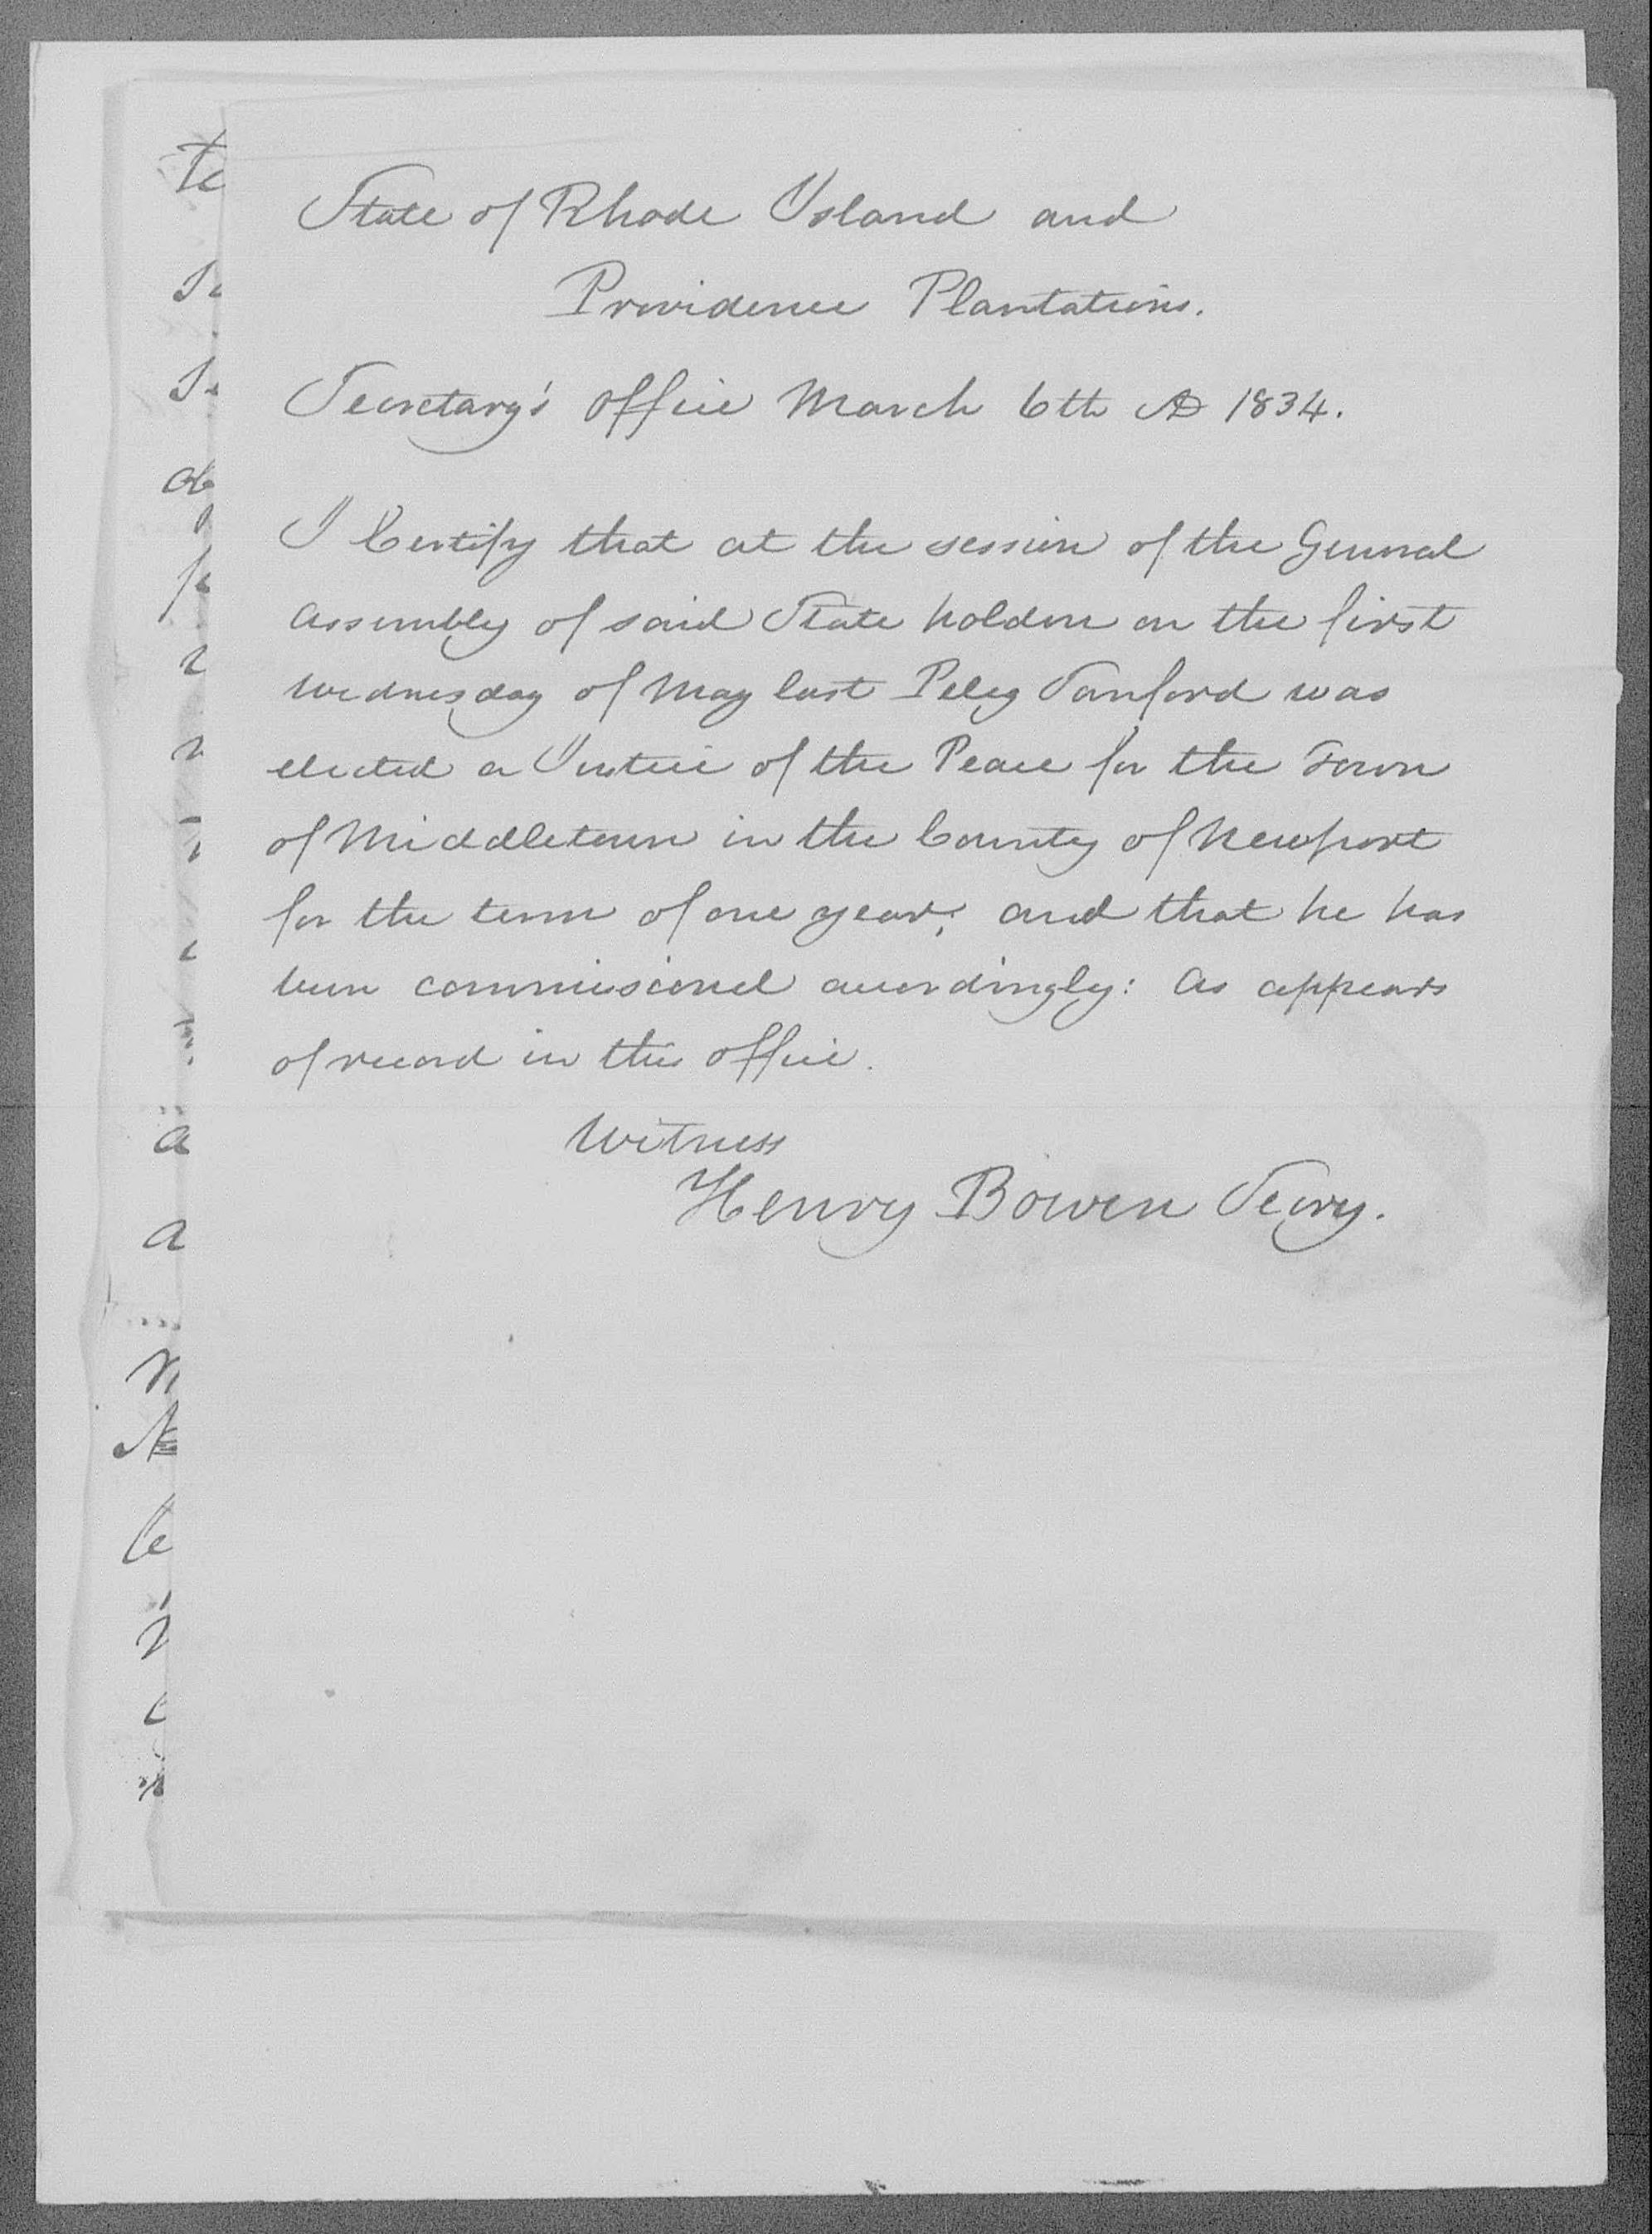State of Rhode Island and Providence Plantations. Secretary's office March 6th 1834. I certify that at the session of the General Assembly of said State holden on the first Wednesday of May last Peleg Sanford was elected a Justice of the Peace for the town of Middletown in the County of Newport for the term of one year and that he has been commissioned accordingly: as appears of record in this office. witness Henry Bowen Secry.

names: Peleg Sanford, Henry Bowen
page: 36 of 52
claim: widow's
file: W. 18,565, Hezekiah Barker, Continental R.I.